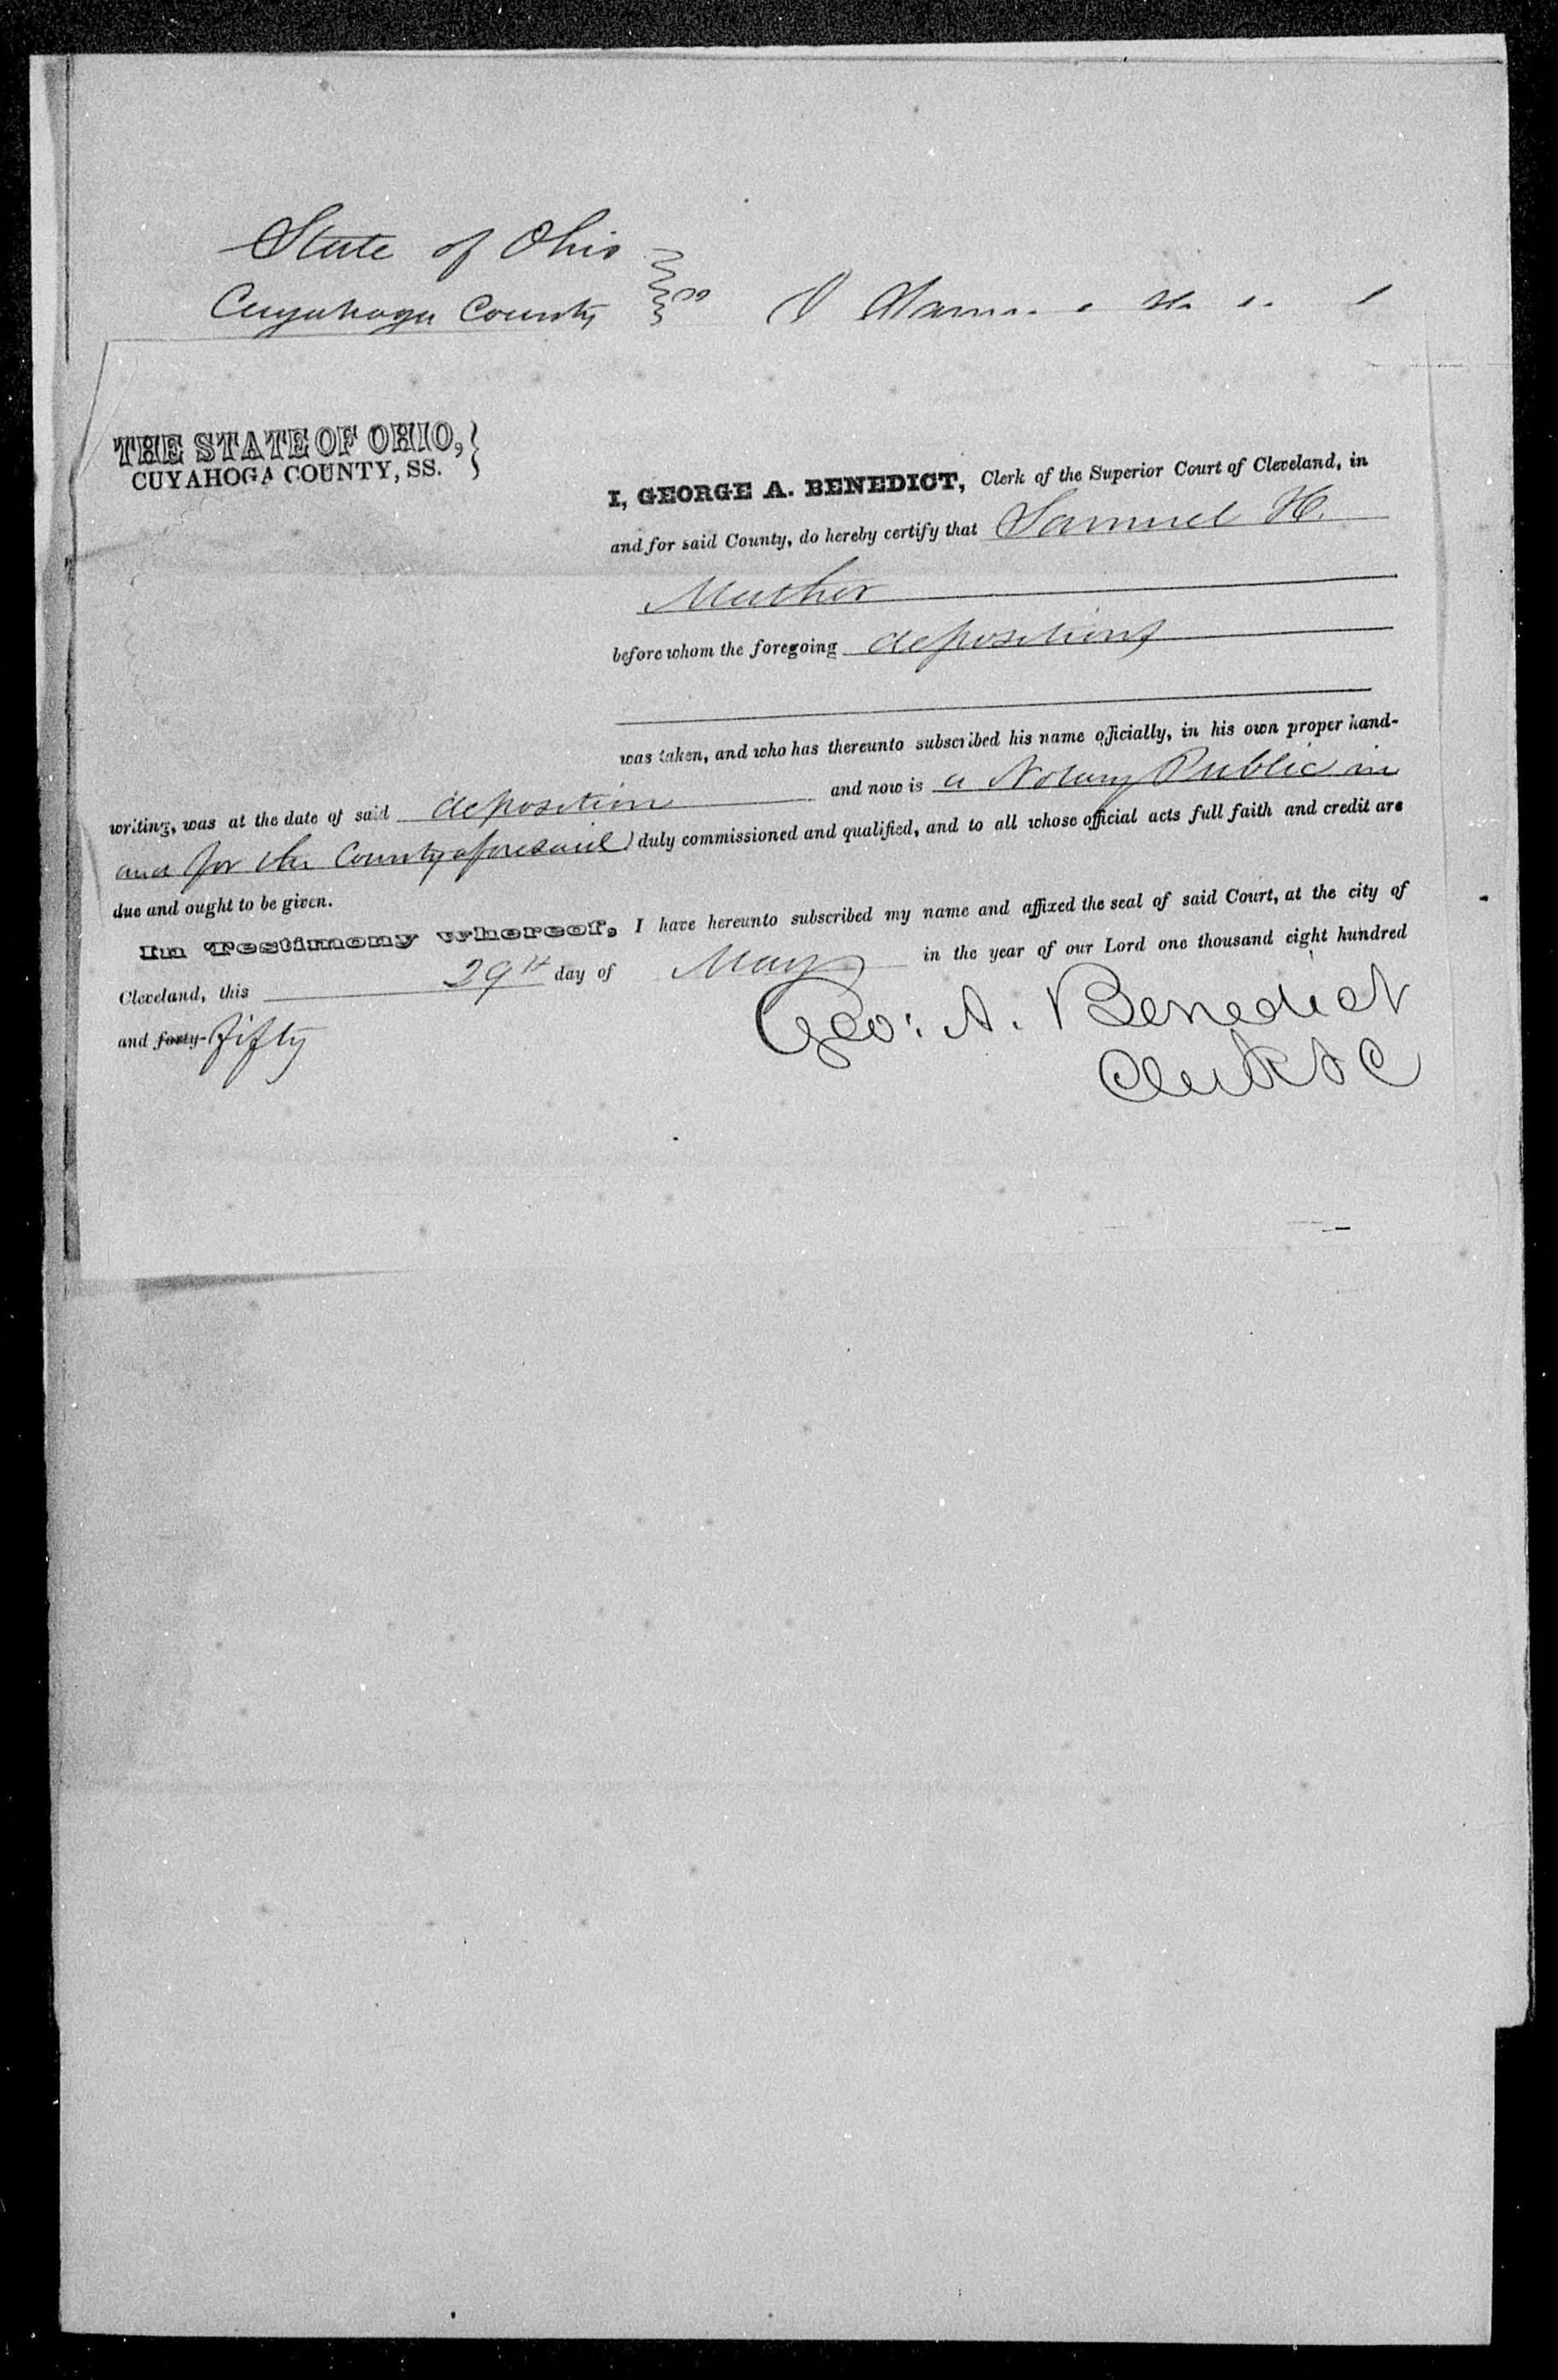THE STATEOF OHIO
CUYAHUGA COUNTY, ss.}

I, GEORGE A. BENEDICT, Clerk of the Superior Court of Cleveland, in and for the said County, do hereby certify that Samuel H Mather before whom the foregoing depositions was taken, and who has thereunto subscribed his name officially, in his own proper handwriting, was at the date of said deposition and now is a Notary Public in and for the county aforesaid, duly commissioned and qualified, and to all whose official acts full faithand credit are due and ought to be given.
In Testimony whereof, I have hereunto subscribed my name and affixed the seal of said Court, at the city of Cleveland, this 29th day of May in the year of our Lord one thousand eight hundred and fifty.

Geo: A. Benedict
Clerk &c.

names: George A Benedict, Samuel H Mather, Geo A Benedict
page: 45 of 53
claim: rejected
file: R. 3732, Jesse Fox, Conn.